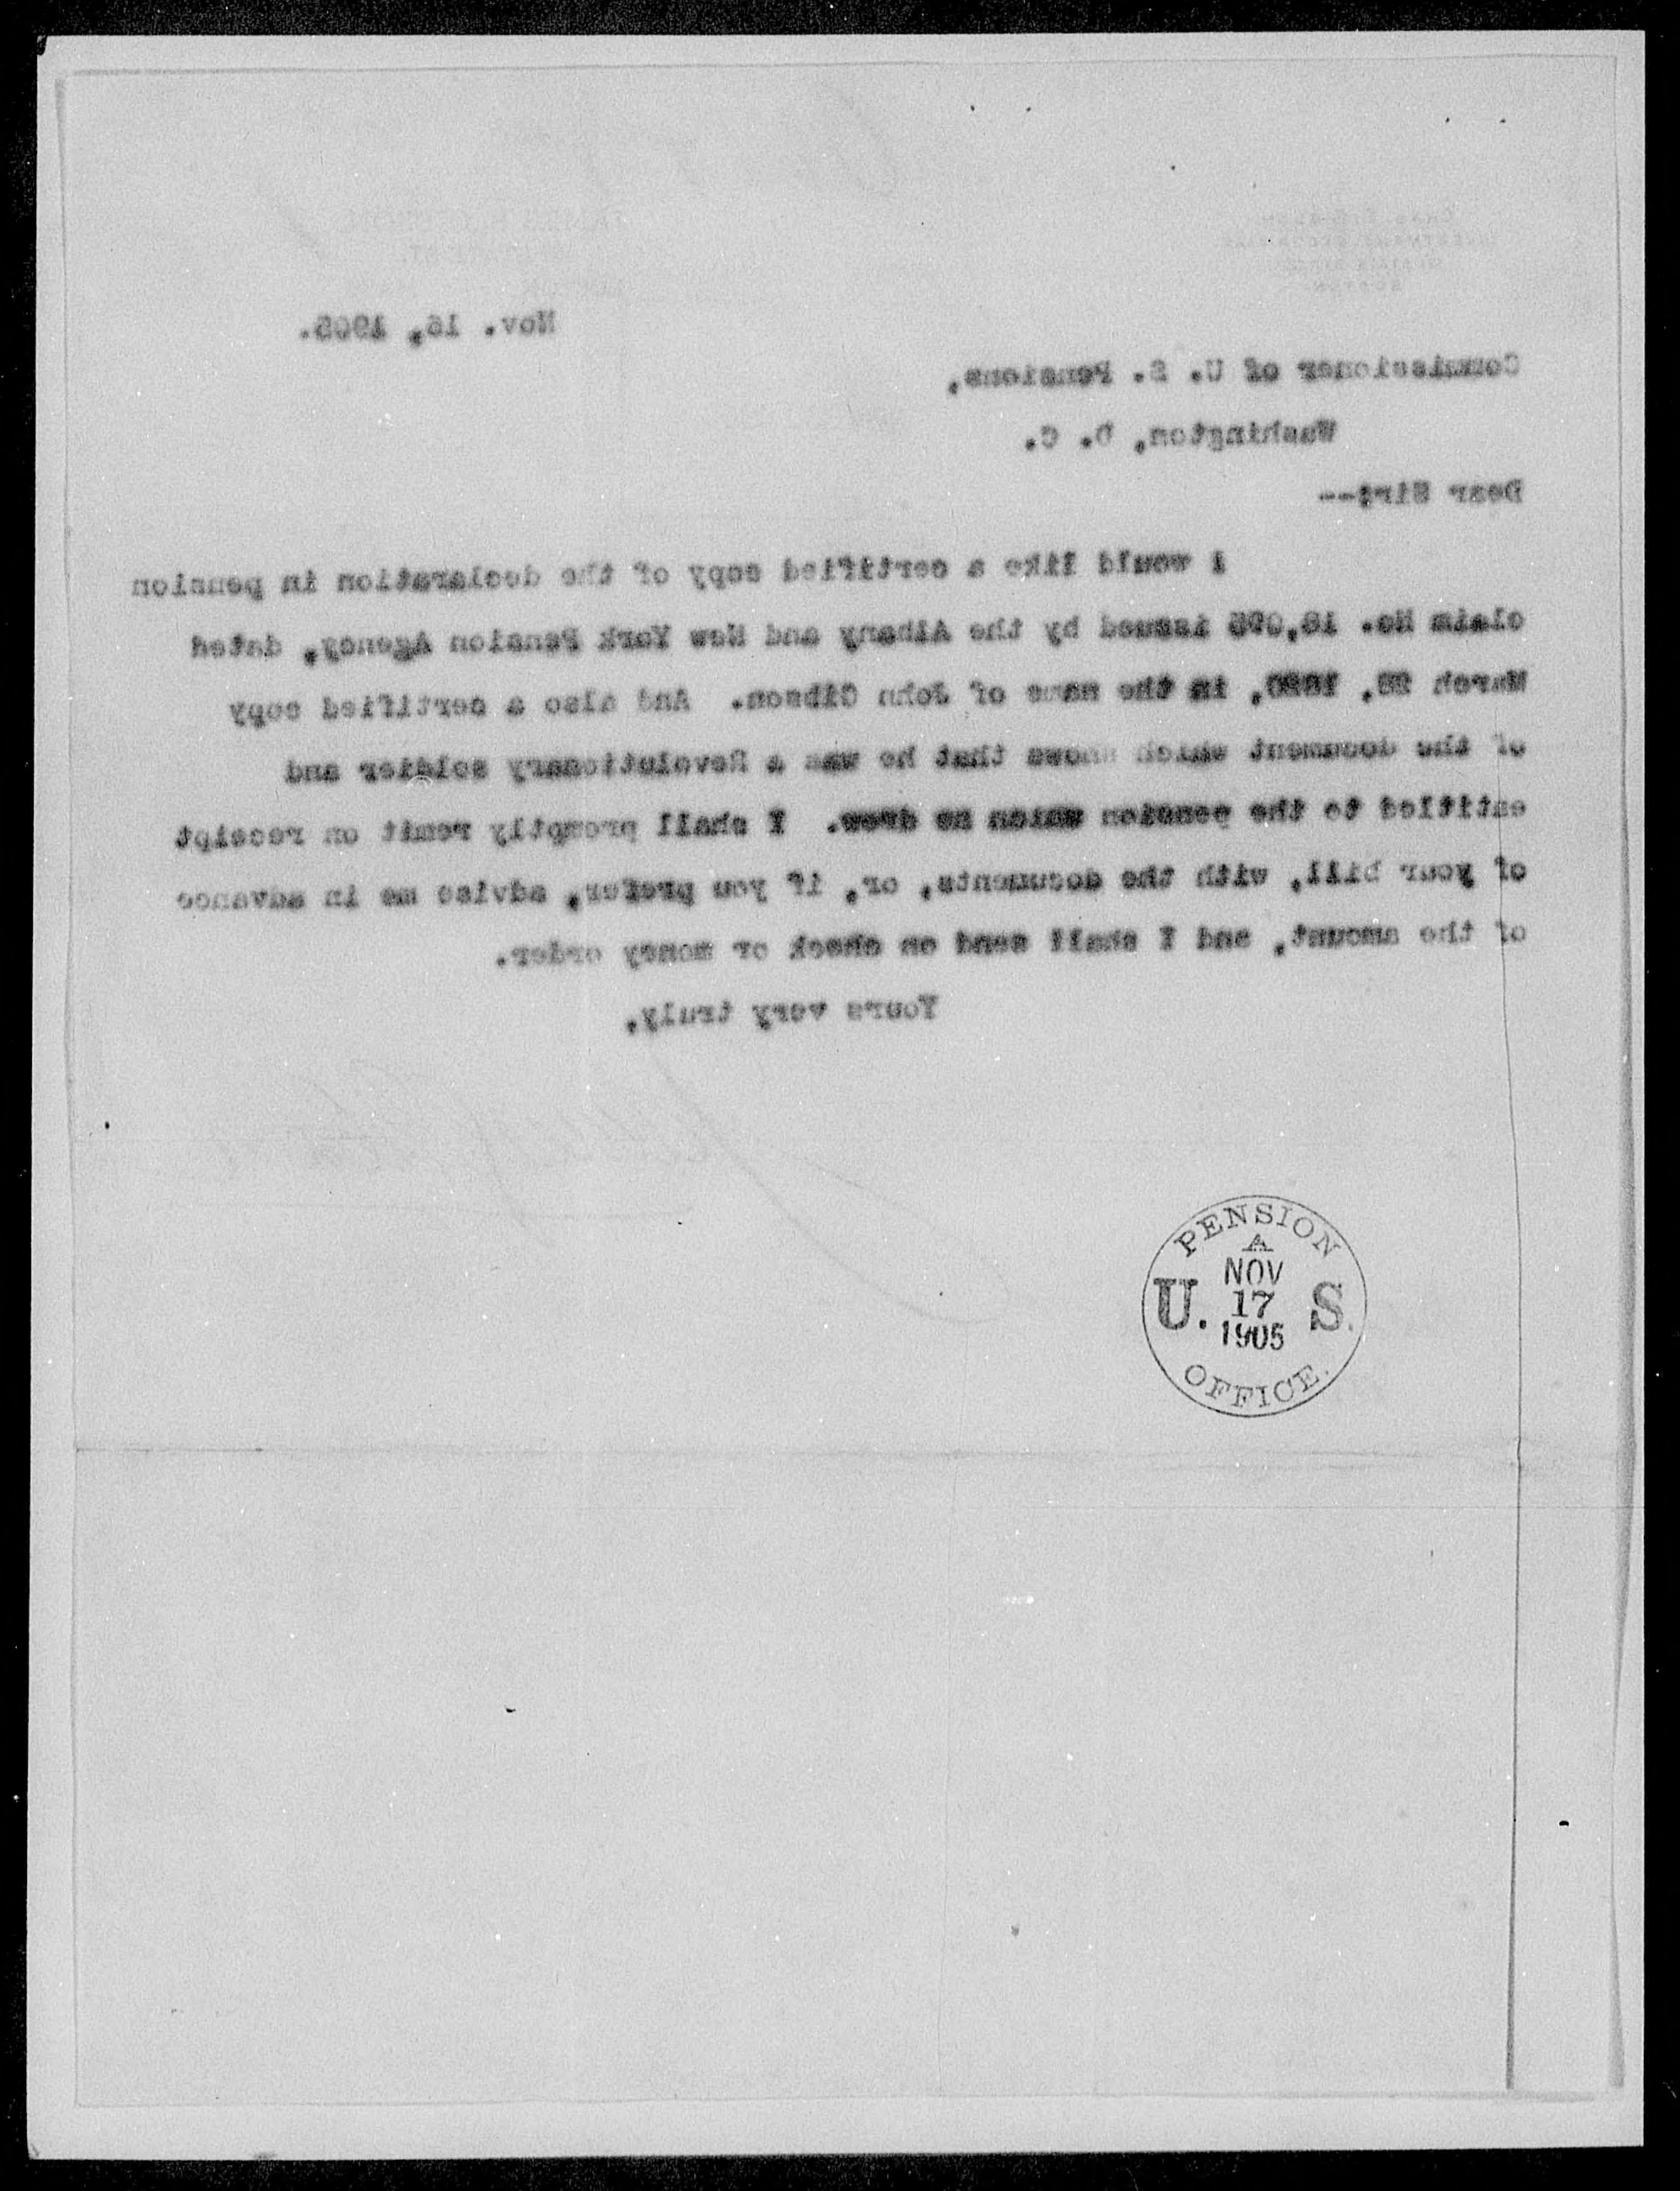[stamp] U.S. PENSION OFFICE NOV 17 1905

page: 31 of 32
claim: survivor's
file: S. 34899, John Gibson, R.I.